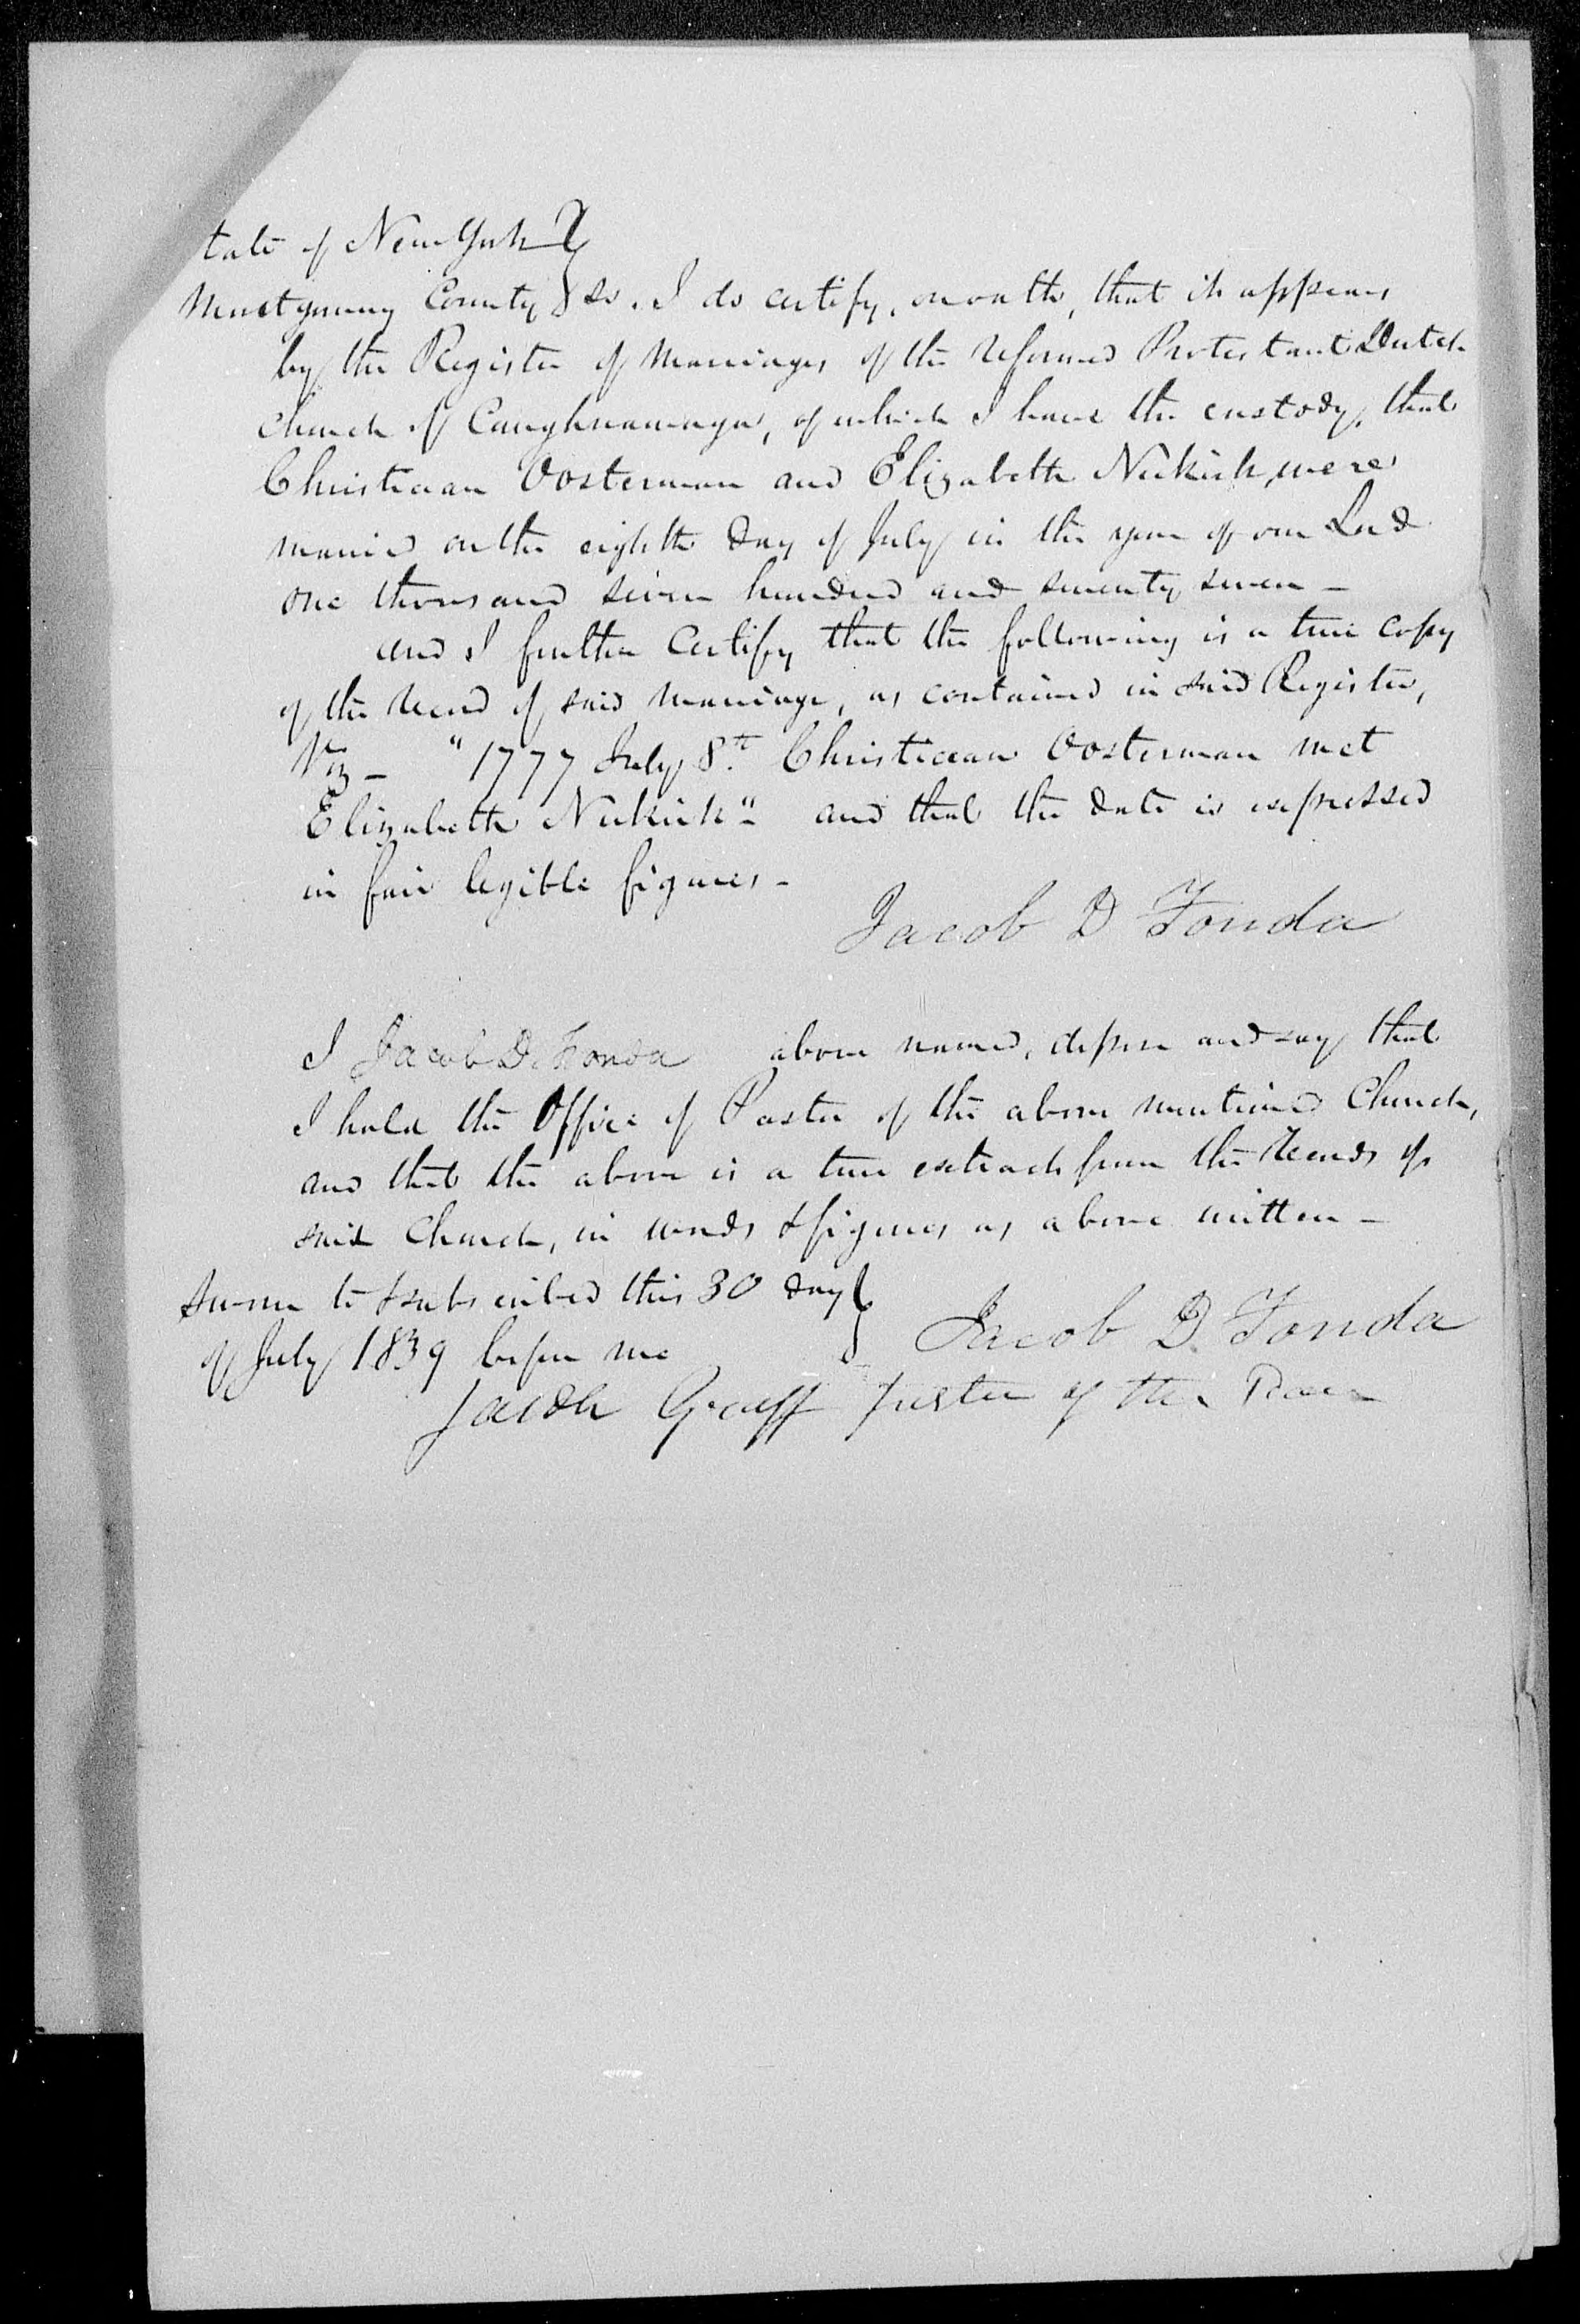State of New York
Montgomery County} ss. I do certify that on oath, that it appears by the Register of Marriages of the reformed Protestant Dutch Church of Caughnanaya of which I have the custody, that Christian Osterman and Elizabeth Nukirk were married on the eighth Day of July in the year of our Lord one thousand seven hundred and seventy seven. 
And I further certify that the following is a true copy of the record of said marriage, as contained in said Register, vix - "1777 July 8th Christian Osterman met Elizabeth Nukirk." and that the date is impressed in fair legible figures. 
Jacob D. Fonda

I Jacob Fonda above named depose and say that I hold the Office of Pastor of the above mentioned church, and that the above is a true  entrance from the record of said church, in words & figure as above written. 
Sworn & subscribed this 30th day 
of July 1839 before me
Jacob Groff Justice of the Peace
Jacob D. Fonda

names: Jacob D Fonda; Christian Oosterman; Elizabeth Nukirk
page: 9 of 40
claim: widow's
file: W. 21876, for Christian Osterman, New York